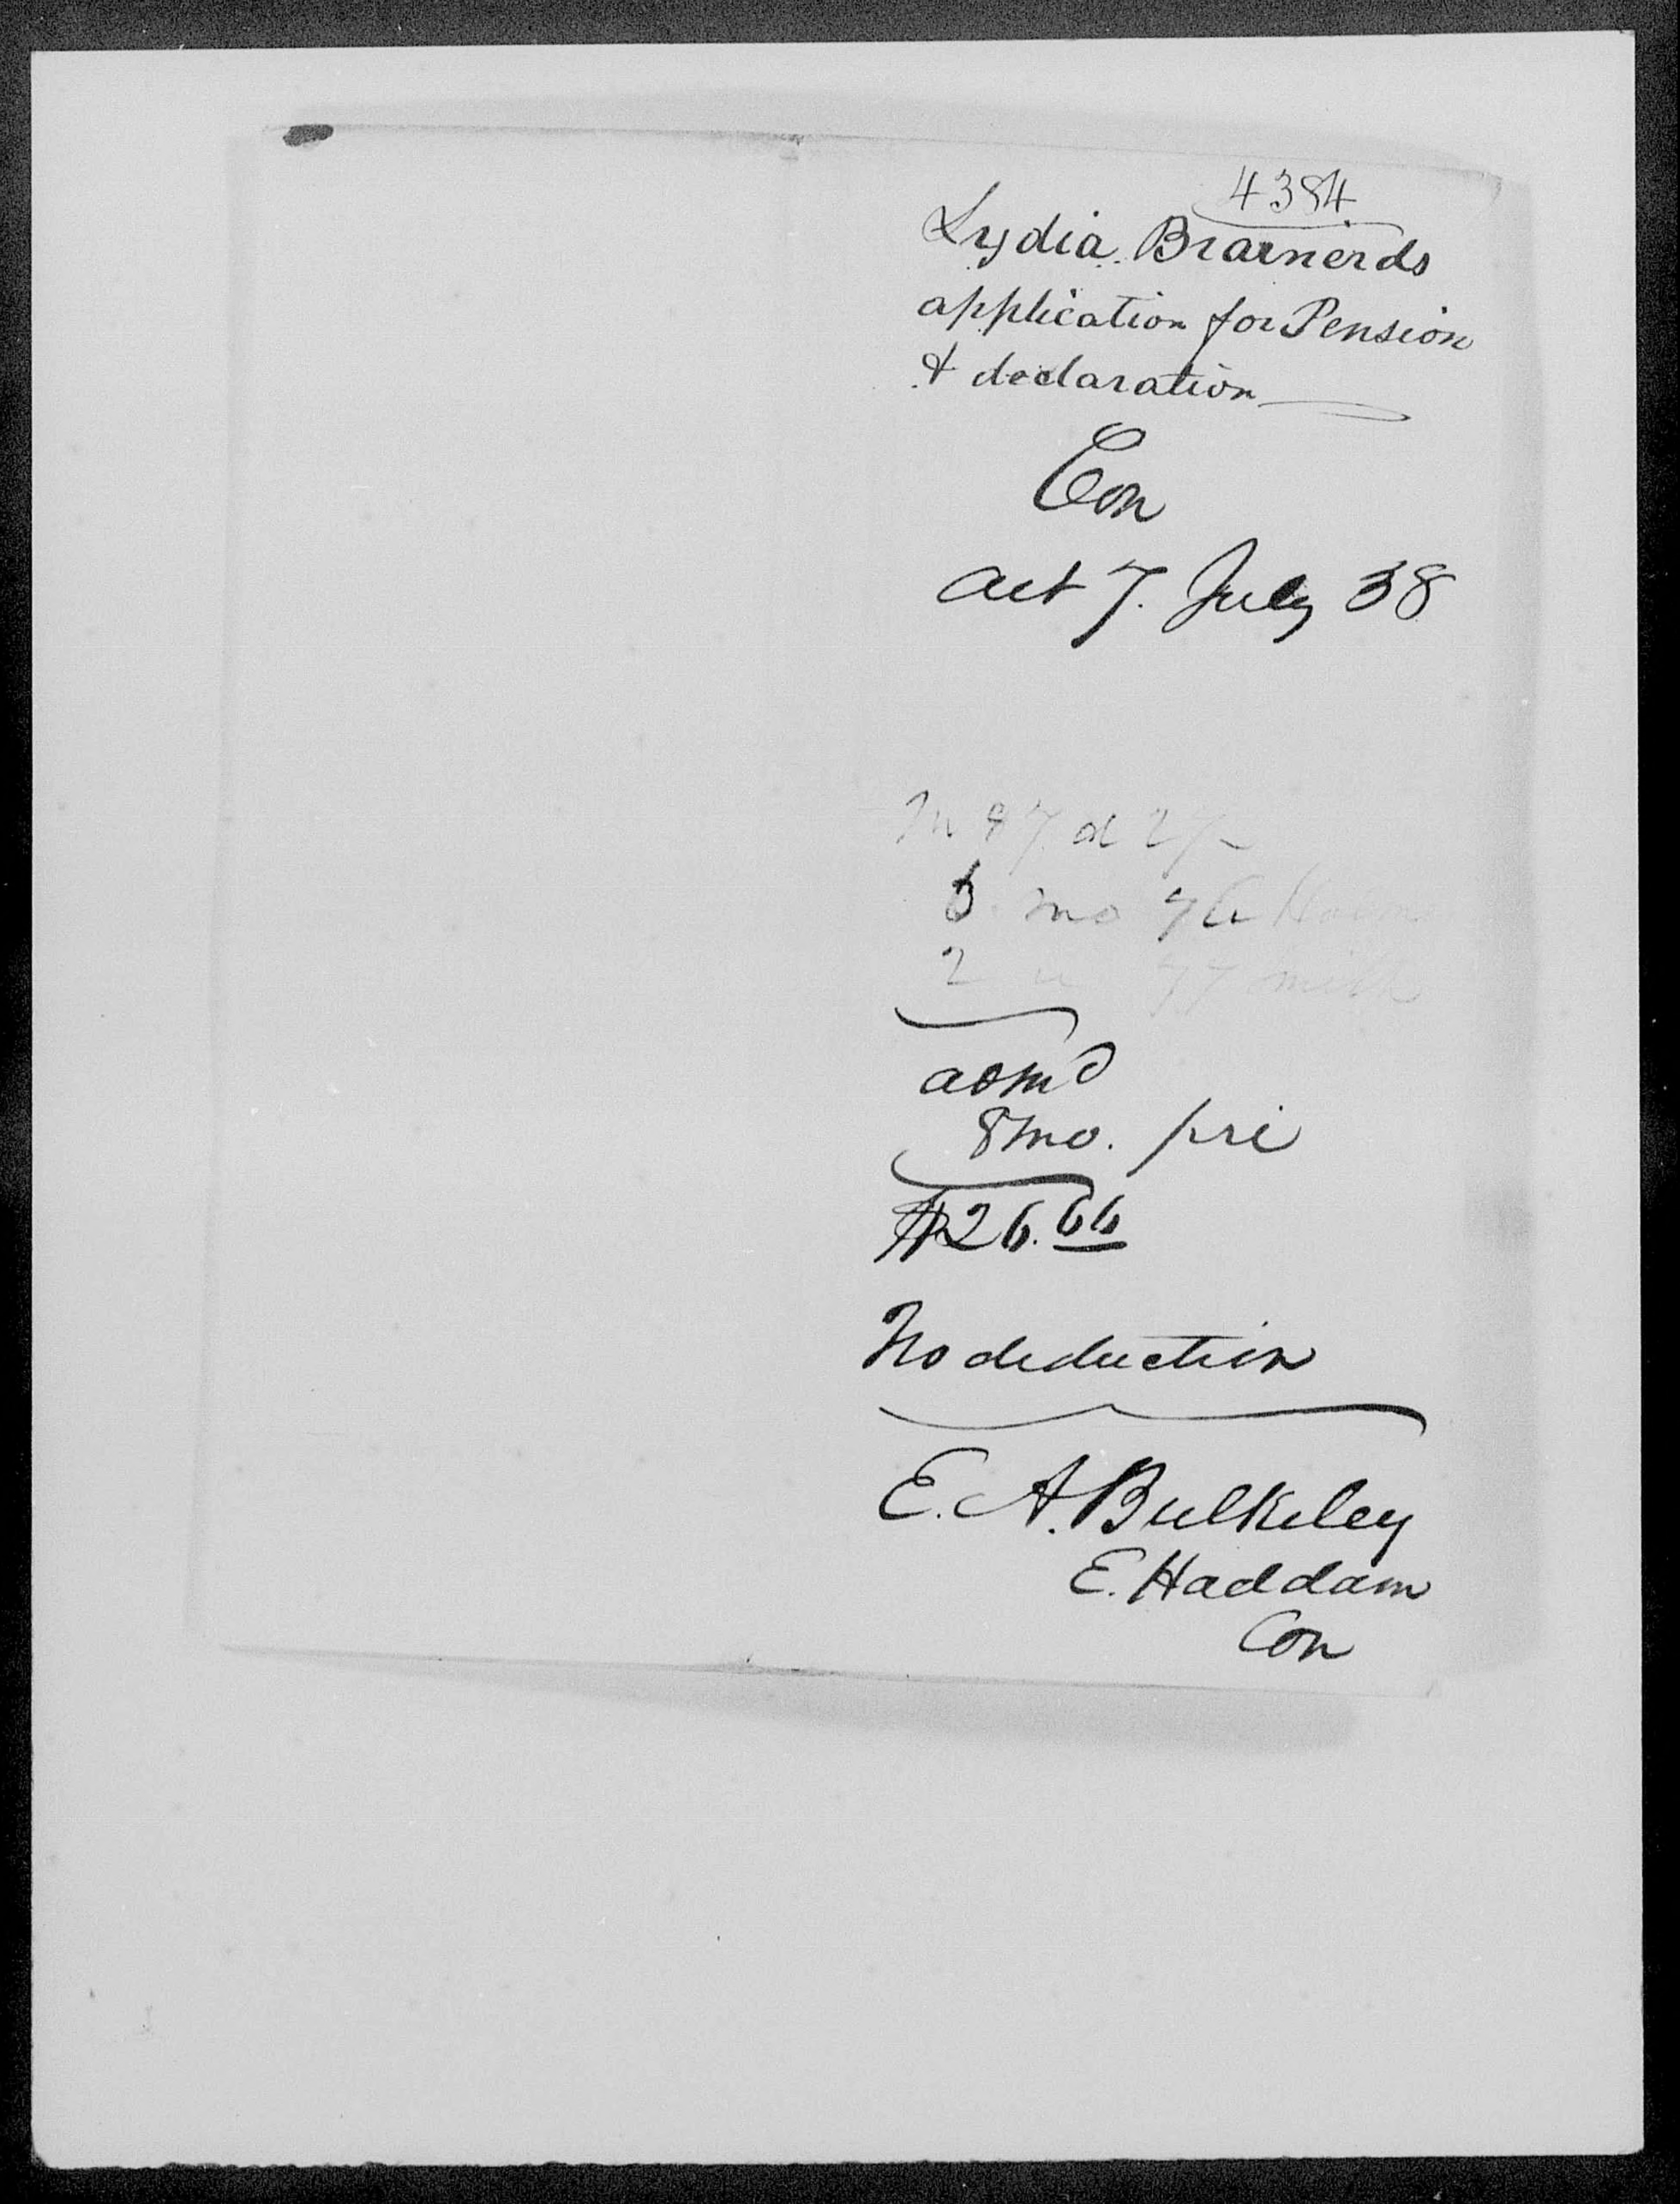4384
Lydia Brainerds application for Pension & declaration
Con
Act 7 July 38
In 87 d 27-
6 mo 76 Holmes
2 in 77 Smith
adm'd
8 Mo. pri
$26.66
No deduction
E. A. Bulkeley
E. Haddam
Con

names: Lydia Brainerd, E A Bulkeley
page: 3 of 25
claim: widow's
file: W. 23,671, Bezaleel Brainard, Conn.